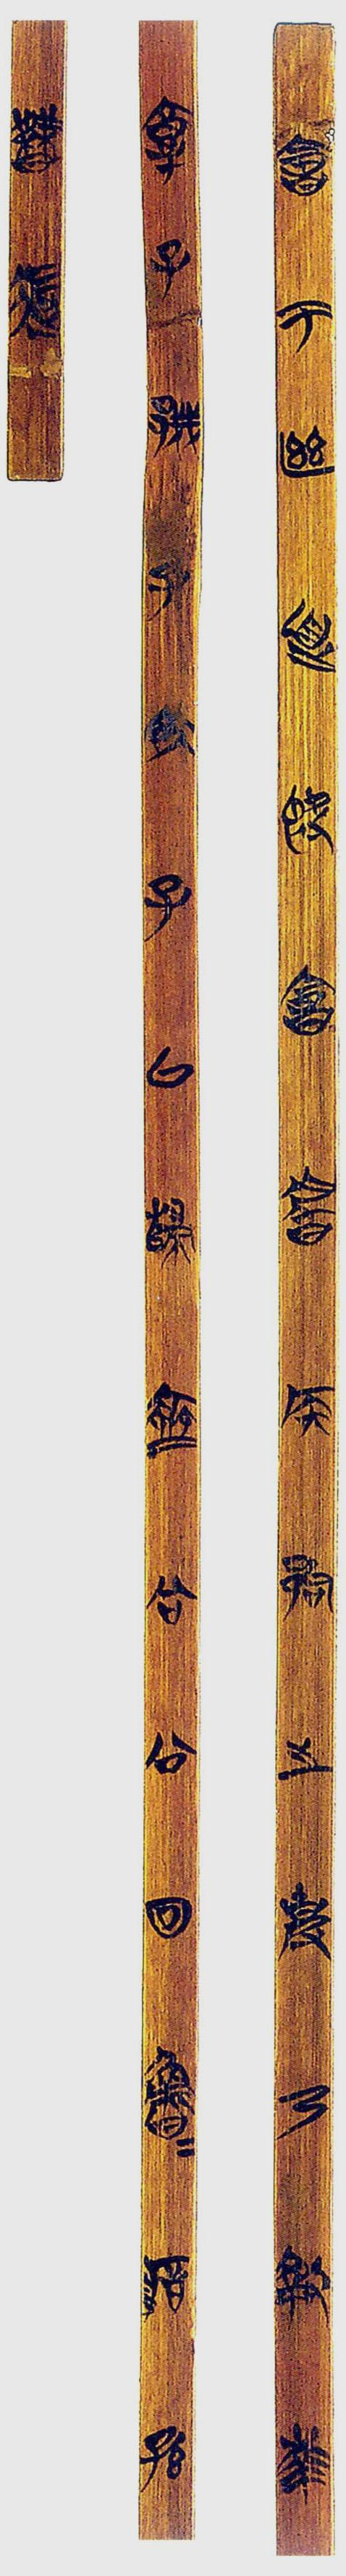會于{𠃊𢆶}{首止}既會者侯邭之尅乃{幸攴}南𩫏子{戔阝}子安子㠯（以）{𡴎帚}齊冋公回魯={爿言}孫{無日}{辶石}
